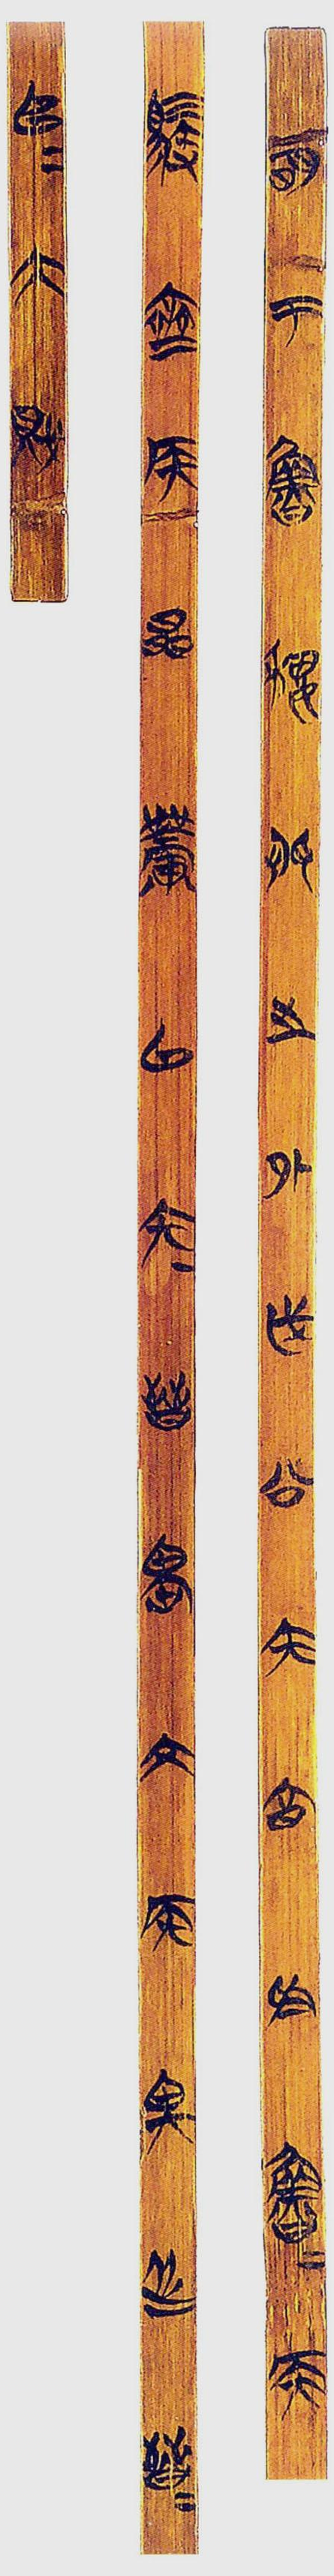明于魯稷門之外戉公內亯於魯=侯馭齊侯晶{亠舛車}㠯（以）內晉{鬼山}文侯𢍉從晉=𠂤=大{貝戈}
